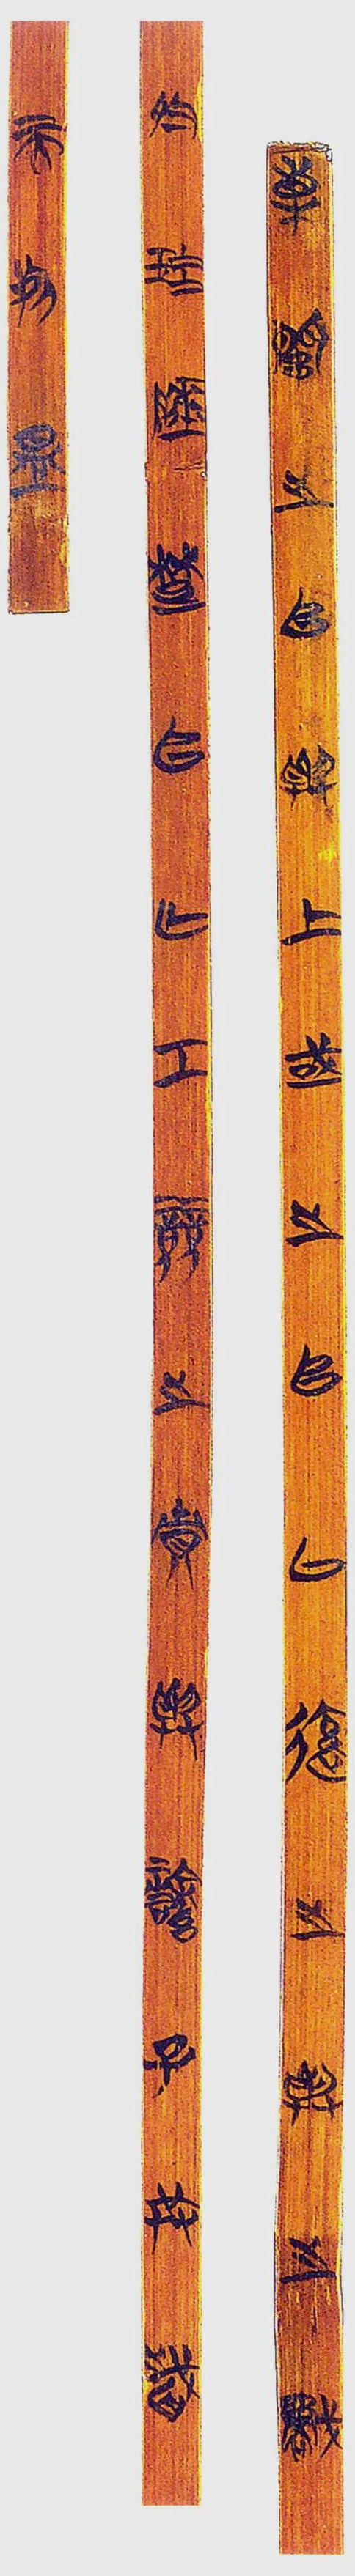犢{門串}之𠂤與上或之𠂤㠯（以）{辶交}之與之戰於珪陵楚𠂤亡工競之賈與{巫口余呂}子共{止頁戈}而死昷
